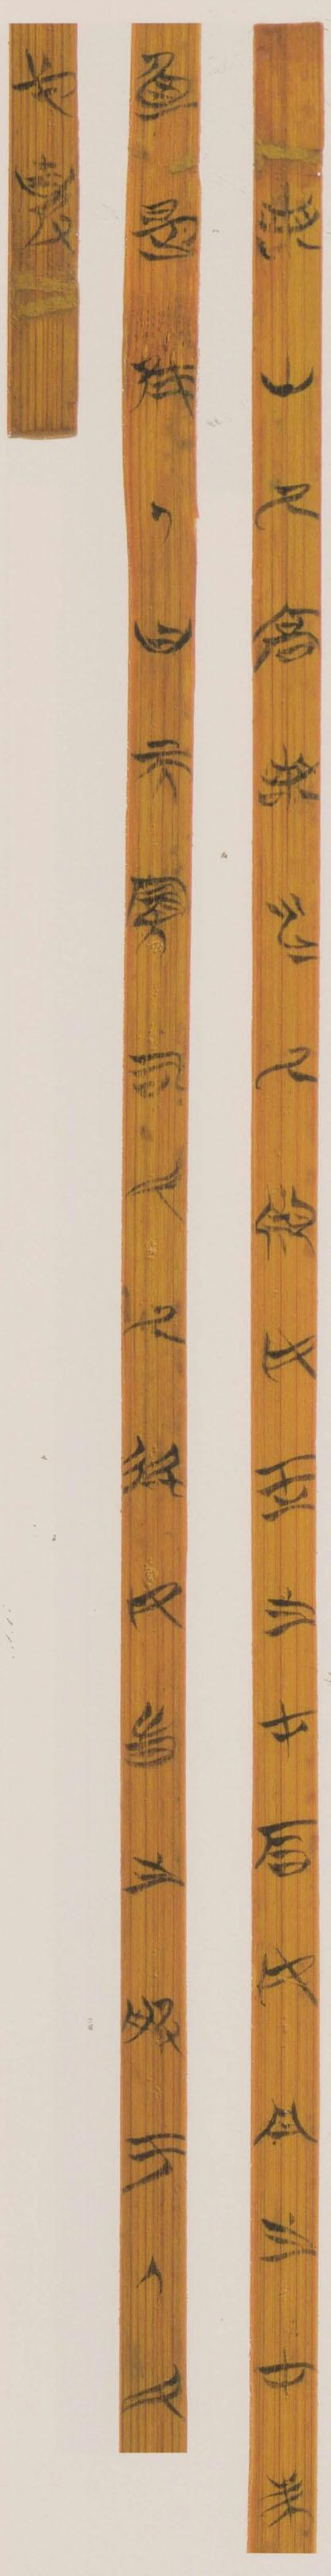若山氒高若水氒𣶒女玉之才石女丹之才朱廼是隹人曰天{今見}司民氒𬨠女{左日}之服于人民弋尅
